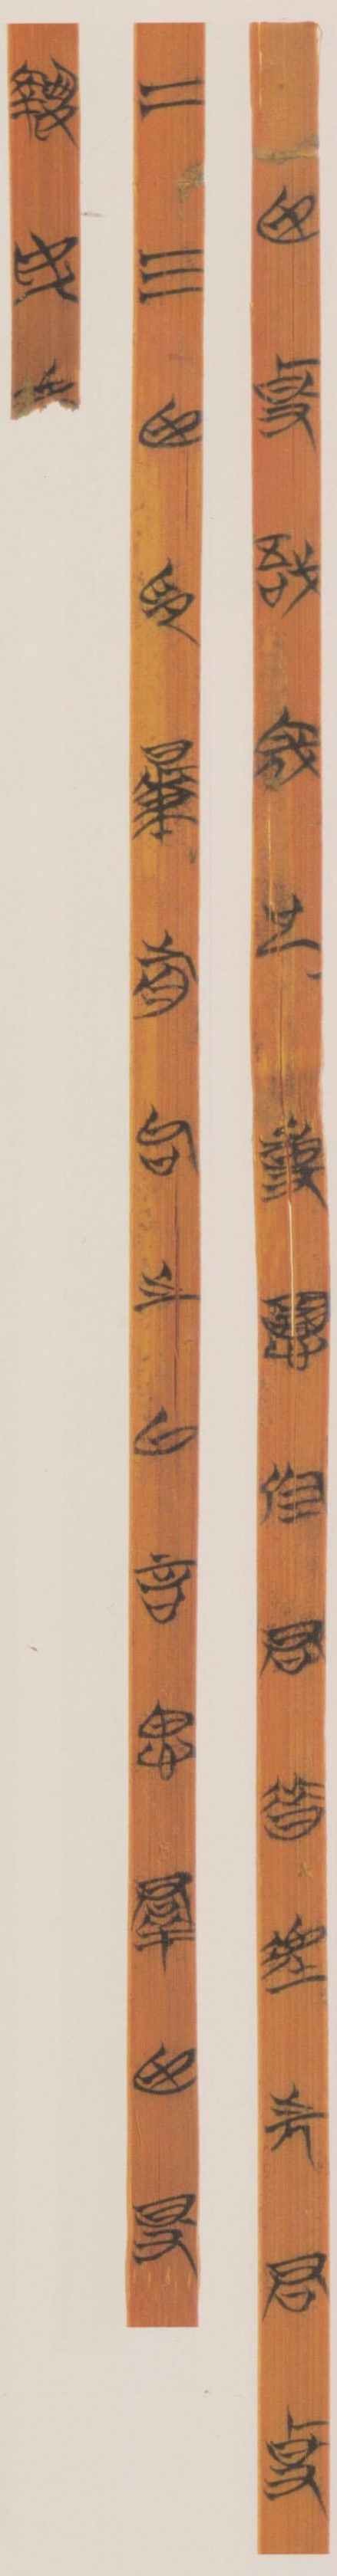臣史{吾戈}{完戈}也尃{囗者心}於君昔𫊟先君史二三臣卬{日朿}歬句之㠯（以）言思羣臣𠭁執𡚦□
